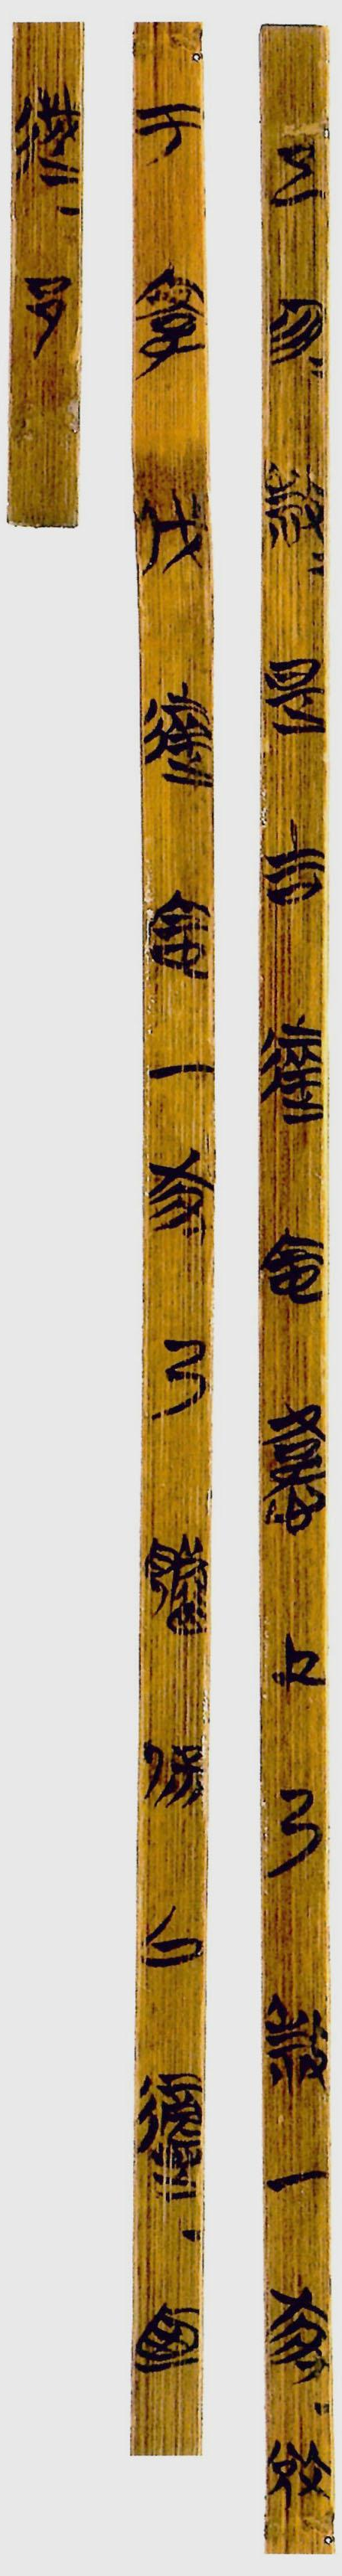已勿=殺=是吉{辶止㚔}（失）{宀𠁩}（仲）{韋心}卜乃殺一豕敓（說）于{宀韋}伐{辶止㚔}（失）{宀𠁩}（仲）一豕乃{睿見}保㠯（以）{辶辛𠂤臼}廼{辶戔}邑
